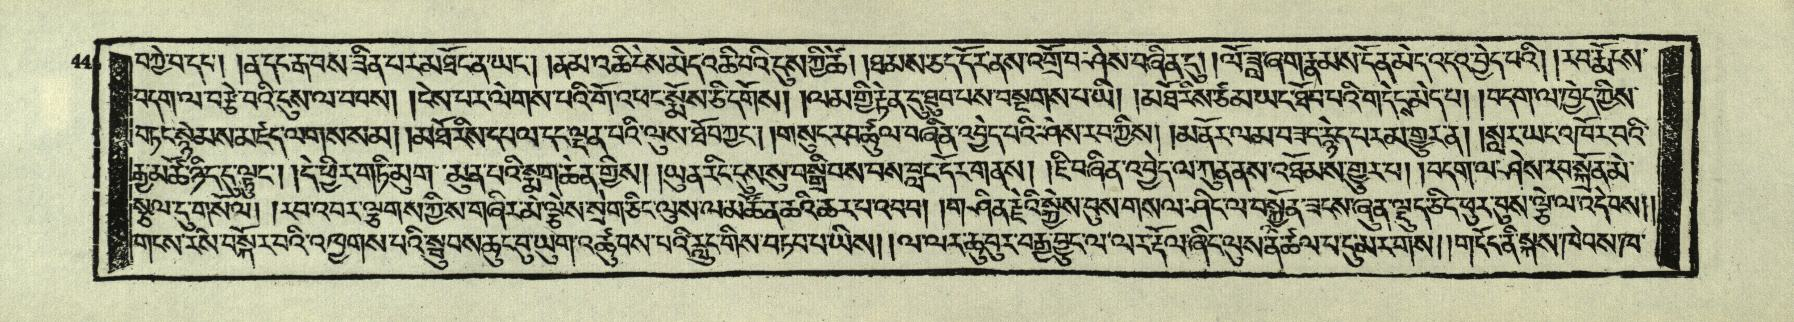བཀྱེ་བ་དང་། །ན་དང་རྒ་བས་ཟིན་པར་མཐོང་ན་ཡང་། །ནམ་འཆི་ངེས་མེད་འཆི་བའི་དུས་ཀྱི་ཚེ། །ཐམས་ཅད་དོར་ནས་འགྲོ་བ་ཤེས་བཞིན་དུ། །ལོ་ཟླ་ཞག་རྣམས་དོན་མེད་འདའ་བྱེད་པའི། །རབ་རྨོངས་
བདག་ལ་བརྩེ་བའི་དུས་ལ་བབས། །ངེས་པར་ལེགས་པའི་གོ་འཕང་སྨོས་ཅི་དགོས། །ལམ་གྱི་རྟེན་དུ་ཐུབ་པས་བསྔགས་པ་ཡི། །མཐོ་རིས་ཙམ་ཡང་ཐོབ་པའི་གདེངས་མེད་པ། །བདག་ལ་ཁྱེད་ཀྱིས་
བཏང་སྙེམས་མཛད་ལགས་སམ། །མཐོ་རིས་དཔལ་དང་ལྡན་པའི་ལུས་ཐོབ་ཀྱང་། །གསུང་རབ་ཚུལ་བཞིན་འབྱེད་པའི་ཤེས་རབ་ཀྱིས། །མ་ནོར་ལམ་བཟང་རྙེད་པར་མ་གྱུར་ན། །སླར་ཡང་འཁོར་བའི་
རྒྱ་མཚོ་ཉིད་དུ་ལྷུང་། །དེ་ཕྱིར་གཏི་མུག་མུན་པའི་སྨག་ཆེན་གྱིས། །ཡུན་རིང་དུས་སུ་བསྒྲིབས་པས་བླང་དོར་གནས། །ཇི་བཞིན་འབྱེད་ལ་ཀུན་ནས་འཐོམས་གྱུར་པ། །བདག་ལ་ཤེས་རབ་སྐྲོན་མེ་
སྩལ་དུ་གསོལ། །རབ་འབར་ལྕགས་ཀྱི་ས་གཞིར་མེ་ལྕེས་སྲེག་ཅིང་ལུས་ལ་མཚོན་ཆའི་ཆར་པ་འབབ། །གཤིན་རྗེའི་སྐྱེས་བུས་གསལ་ཤིང་ལ་བསྐྱོན་ཟངས་ཞུན་ལྡུད་ཅིང་ཕུར་བུས་ལྕེ་ལ་འདེབས།།
གངས་རིས་བསྐོར་བའི་འཁྱགས་པའི་སྦུབས་ཆུང་བུ་ཡུག་འཚུབས་པའི་རླུང་གིས་བཏབ་པ་ཡིས། །ལ་ལར་ཆུ་བུར་བརྒྱ་བྱུང་ལ་ལར་རྡོལ་ཞིང་ལུས་ནི་ཚལ་པ་དུ་མར་གས། །གདོང་ནི་སྐས་ཁེབས་ཁ་